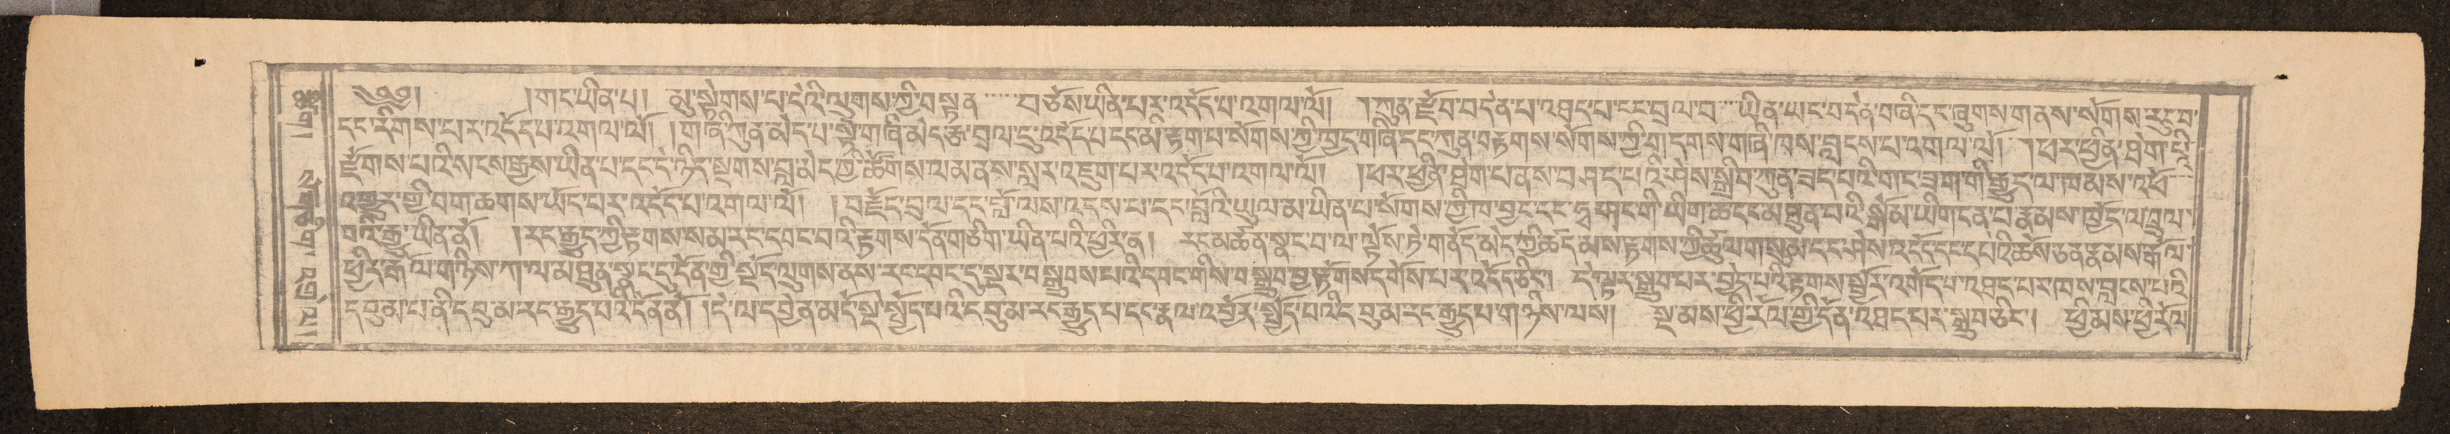༄༅། །གང་ཡིན་པ། མུ་སྟེགས་པ་དེའི་ལུགས་ཀྱི་བསྟན་བཅོས་ཡིན་པར་འདོད་པ་འགལ་ལོ། །ཀུན་རྫོབ་བདེན་པ་འཐད་པ་དང་བྲལ་བ་ཡིན་ཡང་བདེན་བཞི་དང་ཞུགས་གནས་སོགས་རུང་བ་
དང་རིགས་པར་འདོད་པ་འགལ་ལོ། །གཞི་ཀུན་མེད་པ་སྟེ་གཞི་མེད་རྩ་བྲལ་དུ་འདོད་པ་དང་མི་རྟག་པ་སོགས་ཀྱི་ཁྱད་གཞི་དང་ཀུན་བརྟགས་སོགས་ཀྱི་གདགས་གཞི་ཁས་བླངས་པ་འགལ་ལོ། །ཕར་ཕྱིན་ཐེག་པཱི་
རྫོགས་པའི་སངས་རྒྱས་ཡིན་པ་དང་དེ་ཉིད་སྔགས་བླ་མེད་ཀྱི་ཚོགས་ལམ་ནས་སླར་འཇུག་པར་འདོད་པ་འགལ་ལོ། །ཕར་ཕྱིན་ཐེག་པ་ནས་བཤད་པའི་ཤེས་སྒྲིབ་ཀུན་ཟད་པའི་གང་ཟག་གི་རྒྱུད་ལ་ཁམས་འཕོ་
འགྱུར་གྱི་བག་ཆགས་ཡོད་པར་འདོད་པ་འགལ་ལོ། །བརྗོད་བྲལ་དང་བློ་ལས་འདས་པ་དང་བློའི་ཡུལ་མ་ཡིན་པ་སོགས་ཀྱི་ཁ་བྱང་དང་ཧྭ་ཤང་གི་ཡིག་ཆ་དང་མཐུན་པའི་སྒོམ་ཡིག་ངན་པ་རྣམས་ཁྱོད་ལ་བྲུལ་
བའི་རྒྱུ་ཡིན་ནོ། །རང་རྒྱུད་ཀྱི་རྟགས་སམ་རང་དབང་བའི་རྟགས་དོན་གཅིག་ཡིན་པའི་ཕྱིར་ན། རང་མཚན་སྣང་བ་ལ་ལྟོས་ཏེ་གནོད་མེད་ཀྱི་ཚད་མས་རྟགས་ཀྱི་ཚུལ་གསུམ་དང་ཤེས་འདོད་དང་དཔའི་ཆོས་ཅན་རྣམས་རྒོལ་
ཕྱིར་རྒོལ་གཉིས་ཀ་ལ་མཐུན་སྣང་དུ་དོན་གྱི་སྡོད་ལུགས་ནས་རང་དབང་དུ་སྔར་བསྒྲུབས་པའི་དབང་གིས་བསྒྲུབ་བྱ་རྟོགས་དགོས་པར་འདོད་ཅིང་། དེ་ལྟར་སྒྲུབ་པར་བྱེད་པའི་རྟགས་སྦྱོར་འགོད་པ་འཐད་པར་ཁས་བླངས་པའི་
དབུ་མ་པ་ནི་དབུ་མ་རང་རྒྱུད་པའི་དོན་ནོ། །དེ་ལ་དབྱེ་ན་མདོ་སྡེ་སྤྱོད་པའི་དབུ་མ་རང་རྒྱུད་པ་དང་རྣལ་འབྱོར་སྤྱོད་པའི་དབུ་མ་རང་རྒྱུད་པ་གཉིས་ལས། སྡ་མས་ཕྱི་རོལ་གྱི་དོན་འཐད་པར་སྒྲུབ་ཅིང་། ཕྱི་མས་ཕྱི་རོལ་